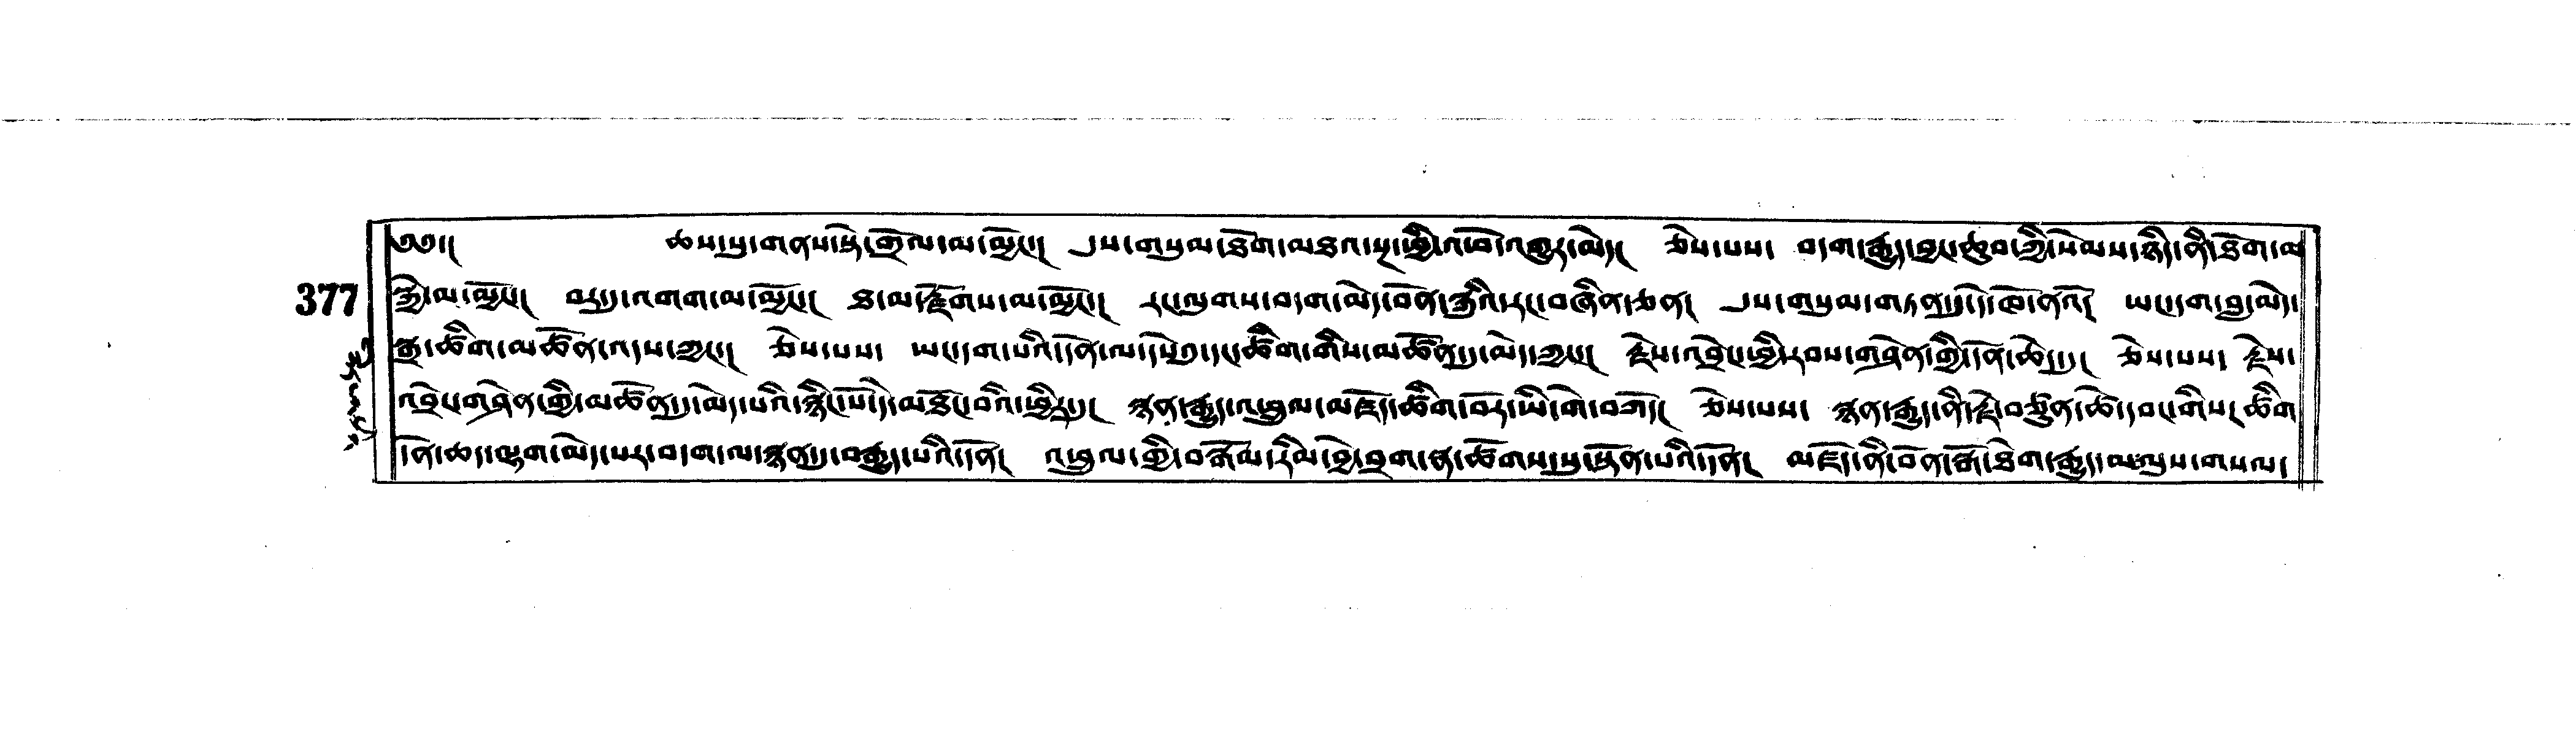ཆས་སུ་གནས་ཏེ་གྲོལ་མ་མྱོང་། དུས་གསུམ་ཐོག་མཐའ་སྔ་ཕྱི་འཕོ་འགྱུར་མེད། ཅེས་པས། བདག་རྒྱུད་བྱང་ཆུབ་ཀྱི་སེམས་ཉིད་ནི་ཐོག་མ་
སྐྱེ་མ་མྱོང་། བར་དུ་འགག་མ་མྱོང་། ཐ་མ་རྫོགས་མ་མྱོང་། རང་ལུགས་བདག་མེད་བོན་སྐུའི་རང་བཞིན་ཅན། དུས་གསུམ་གཏན་དུ་དེ་ཁོ་ནའོ། ཡང་དག་བླ་མེད་
སྒྲ་ཚིག་མཚོན་འདས་ཀྱང་། ཅེས་པས། ཡང་དག་པའི་དོན་ལ་དཔེའུ་དང་ཚིག་གིས་མཚོན་དུ་མེད་ཀྱང་། རྗེས་འབྲེངས་ཕྱི་རབས་གཤེན་གྱི་དོན་ཆེད་དུ། ཅེས་པས། རྗེས་
འབྲེང་གཤེན་གྱིས་མཚོན་དུ་མེད་པའི་སྙིང་པོ་དེ་མཐོང་བའི་ཕྱིར་དུ། སྙན་བརྒྱུད་འཕྲུལ་མཛོད་ཚིག་བོར་ཡི་གེ་བཀོད། ཅེས་པས། སྙན་རྒྱུད་ནི་རྗེ་བཙུན་ཚེ་དབང་གིས་ཚིག་
དོན་ཆད་ལྷག་མེད་པར་བདག་ལ་སྙན་དུ་བརྒྱུད་པའི་དོན། འཕྲུལ་གྱི་སྒོམ་རིམ་བྱེ་བྲག་སྣ་ཚོགས་སུ་སྟོན་པའི་དོན། མཛོད་ནི་བོན་སྒོ་ཐེག་རྒྱུད་མ་ལུས་གསལ་